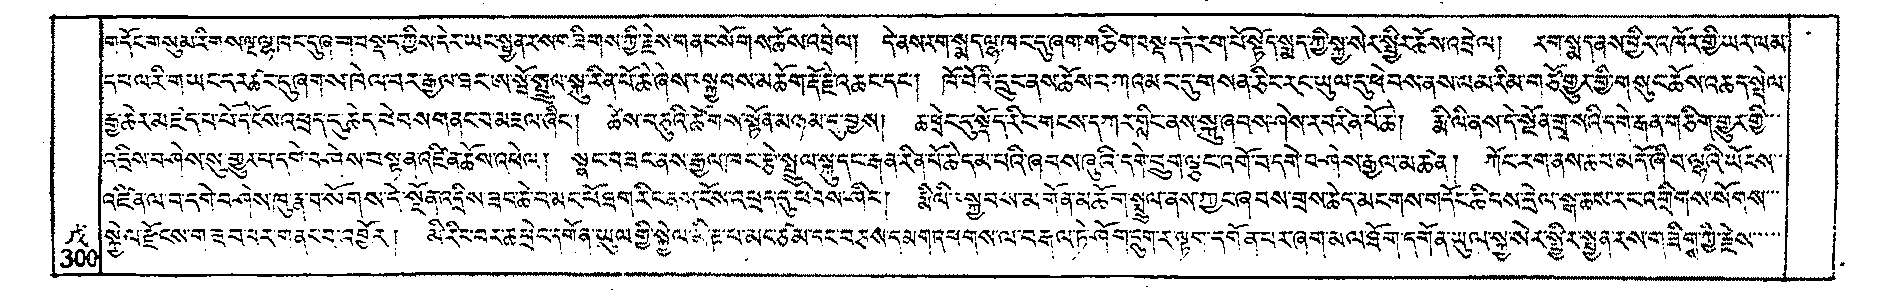གདོང་གསུམ་རིགས་ལྔ་ལྷ་ཁང་དུ་ཞག་བསྡད་ཀྱིས་དེར་ཡང་སྤྱན་རས་གཟིགས་ཀྱི་རྗེས་གནང་སོགས་ཆོས་འབྲེལ། དེ་ནས་རག་སྨད་ལྷ་ཁང་དུ་ཞག་གཅིག་བསྡད་དེ་རག་པོ་སྟོད་སྨད་ཀྱི་སྐྱ་སེར་སྤྱིར་ཆོས་འབྲེལ། རག་སྨད་ནས་ཕྱིར་འཁོར་གྱི་ཡར་ལམ་
དཔལ་རི་གཡང་དར་ཚང་དུ་ཞག་ས་ཁེལ་བར་རྒྱལ་ཐང་ཨ་སྦོ་སྤྲུལ་སྐུ་རིན་པོ་ཆེ་ཞེས་༧སྐྱབས་མཆོག་རྡོ་རྗེ་འཆང་དང་། ཁོ་བོའི་དྲུང་ནས་ཆོས་བཀའ་མང་དུ་གསན་ཅིང་རང་ཡུལ་དུ་ཕེབས་ནས་ལམ་རིམ་གཙོ་གྱུར་གྱི་གསུང་ཆོས་འཆད་སྤེལ་
རྒྱ་ཆེར་མཛད་པ་པོ་དེ་ངོས་འཕྲད་དུ་ཆེད་ཕེབས་གནང་བ་མཇལ་ཞིང་། ཚེས་བཅུའི་ཚོགས་སྟོན་མཉམ་དུ་བྱས། ཆ་ཕྲེང་དུ་སྡོད་རིང་གངས་དཀར་གླིང་ནས་སྐུ་ཞབས་ཤེས་རབ་རིན་པོ་ཆེ། རྨི་ལི་ནས་དེ་སྔོན་གྲྭ་སའི་དགེ་རྒན་གཅིག་གྱུར་གྱི་
འདྲིས་བཤེས་སུ་གྱུར་པ་དགེ་བཤེས་བསྟན་འཛིན་ཆོས་འཕེལ། སྣང་བཟང་ནས་རྒྱལ་ཁང་རྩེ་སྤྲུལ་སྐུ་དང་རྒན་རིན་པོ་ཆེ་དམ་པའི་ཞབས་ཞུའི་དགེ་ཕྲུག་ལྕང་འགོ་བ་དགེ་བཤེས་རྒྱལ་མཚན། ཀོང་རག་ནས་ཆབ་མདོ་ཞི་བ་ལྷའི་ཡོངས་
འཛིན་ལ་བ་དགེ་བཤེས་ཁུ་རྣ་བ་སོགས་དེ་སྔོན་འདྲིས་ཟབ་ཆེ་བ་མང་པོ་ཐག་རིང་ནས་ངོས་འཕྲད་དུ་ཕེབས་ཤིང་། རྨི་ལི་༧སྐྱབས་མགོན་མཆོག་སྤྲུལ་ནས་ཀྱང་ཞབས་གྲས་ཆེད་མངགས་གདོང་ཆིབས་དྲེལ་སྒ་ཆས་རང་འགྲིགས་སོགས་
སྐྱེལ་རྫོངས་གཟབ་པར་གནང་བ་འབྱོར། མི་རིང་བར་ཆ་ཕྲེང་དགོན་ཡུལ་གྱི་སྐྱེལ་མི་རྟ་པ་མང་ཙམ་དང་བཅས་དམག་འཕགས་ལ་བརྒལ་ཏེ་ཤོག་དྲུག་ར་ལྟག་དགོན་པར་ཞག་མལ་ཐོག་དགོན་ཡུལ་སྐྱ་སེར་སྤྱིར་སྤྱན་རས་གཟིགས་ཀྱི་རྗེས་